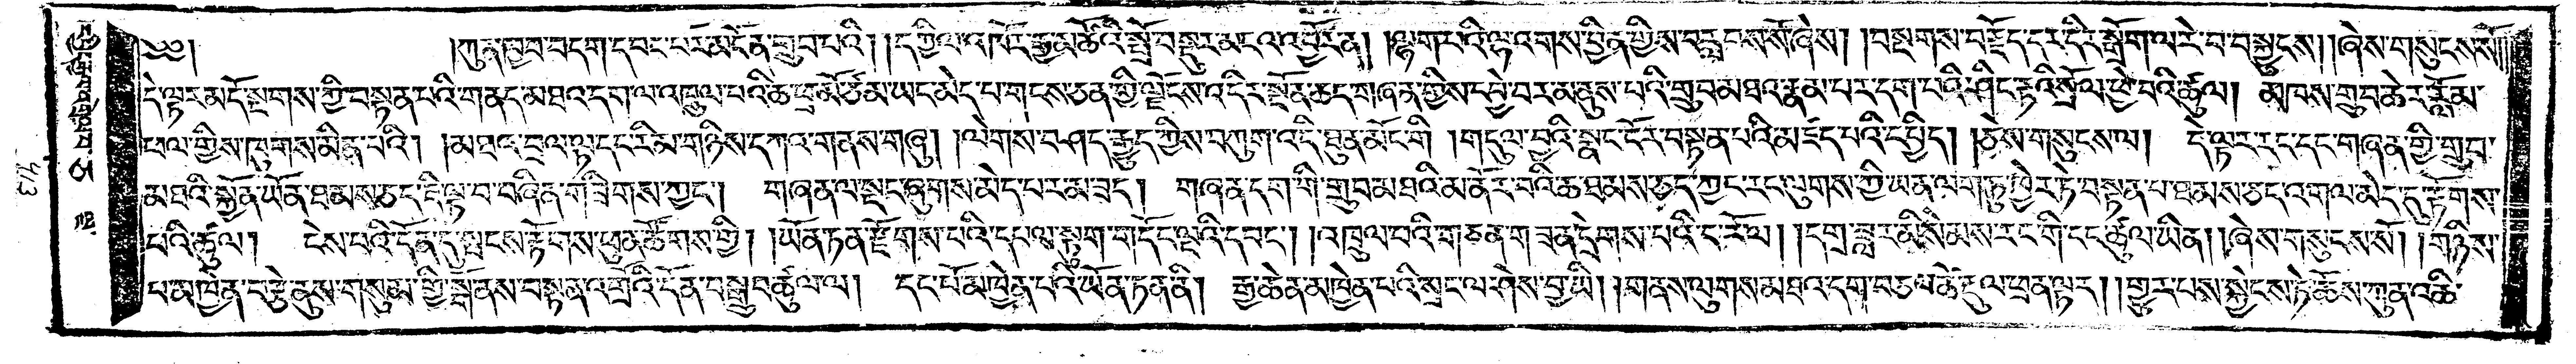༄༅། །ཀུན་ཁྱབ་བདག་དབང་པོར་མངོན་གྲུབ་པའི། །དཀྱིལ་འཁོར་རྒྱ་མཚེའི་སྒྲོ་བསྡུར་མངའ་འབྱོར་ན། །ལྷག་བའི་ལྷ་འགས་བྱིན་གྱིས་བརླབས་སོ་ཞེས། །བསྔགས་བརྗོད་དར་དིར་སྒྲོག་ལ་རེ་བ་བསྐྱུངས། །ཞེས་གསུངས་སེ།།
དེ་ལྟར་མདོ་སྔགས་ཀྱི་བསྟན་པའི་གནད་མཐའ་དག་ལ་འཁྲུལ་བའི་ཆ་ཕྲ་མོ་ཙམ་ཡང་མེད་པ་གངས་ཅན་གྱི་ལྗོངས་འདིར་སྔོ་མཆད་གཞན་གྱིས་དབྱེ་བར་མ་ནུས་པའི་གྲུབ་མཐའ་རྣམ་པར་དག་པའི་ཤིང་རྟའི་སྲོལ་ཕྱེ་བའི་ཚུལ། མཁས་གྲུབ་ཆེར་རློམ་
ཕལ་གྱིས་ཁུགས་མིན་པའི། །མཐའ་བྲལ་ལྟ་དང་རིམ་གཉིས་དཀའ་གནས་གཞུ། །ལེགས་བཤད་རྒྱུད་ཀྱིས་བཀུག་འདི་ཐུན་མོང་གི །གདུལ་བྱའི་སྣང་དོར་བསྟན་པའི་མཛད་པའི་དཔྱིད། །ཅེས་གསུངས་ལ། དེ་ལྟར་རང་དང་གཞན་གྱི་གྲུབ་
མཐའི་སྐྱོན་ཡོན་ཐམས་ཅད་ཇི་ལྟ་བ་བཞིན་གཟིགས་ཀྱང་། གཞན་སྔང་ཞུགས་མེད་པར་མ་ཟད། གཞན་དག་གི་གྲུབ་མཐའི་མ་ནོར་བའི་ཆ་ཐམས་ཅད་ཀྱང་རང་ལུགས་ཀྱི་ཡན་ལག་ཏུ་ཁྱེར་ཏེ་བསྟན་པ་ཐམས་ཅད་འགལ་མེད་དུ་རྟོགས་
པའི་ཚུལ། ངེས་པའི་དོན་དུ་སྤངས་རྟོགས་ཕུན་ཚོགས་གྱི། །ཡོན་ཏན་རྫོགས་པའི་དཔལ་སྟག་གདོང་ལྔའི་དབང་། །འཁྲུལ་བའི་གཅན་གཟན་དྲེགས་པའི་ང་རོ་ལ། །དགྲ་ཟླར་མི་སེམས་རང་གི་ངང་ཚུལ་ཡིན། །ཞེས་གསུངས་སོ། །གཉིས་
པ་མཁྱེན་བརྩེ་ནུས་གསུམ་གྱི་སྒོ་ནས་བསྟན་འགྲོའི་དོན་བསྒྲུབ་ཚུལ་ལ། དང་པོ་མཁྱེན་པའི་ཡོན་ཏན་ནི། རྒྱ་ཆེན་མཁྱེན་པའི་སྲང་ལ་ཤེས་བྱ་ཡི། །གནས་ལུགས་མཐའ་དག་བཅལ་ཚེ་རྡུལ་བྲན་ལྟར། །གྱུར་པས་སྐྱེངས་ཏེ་ཆོས་ཀུན་འཆི་